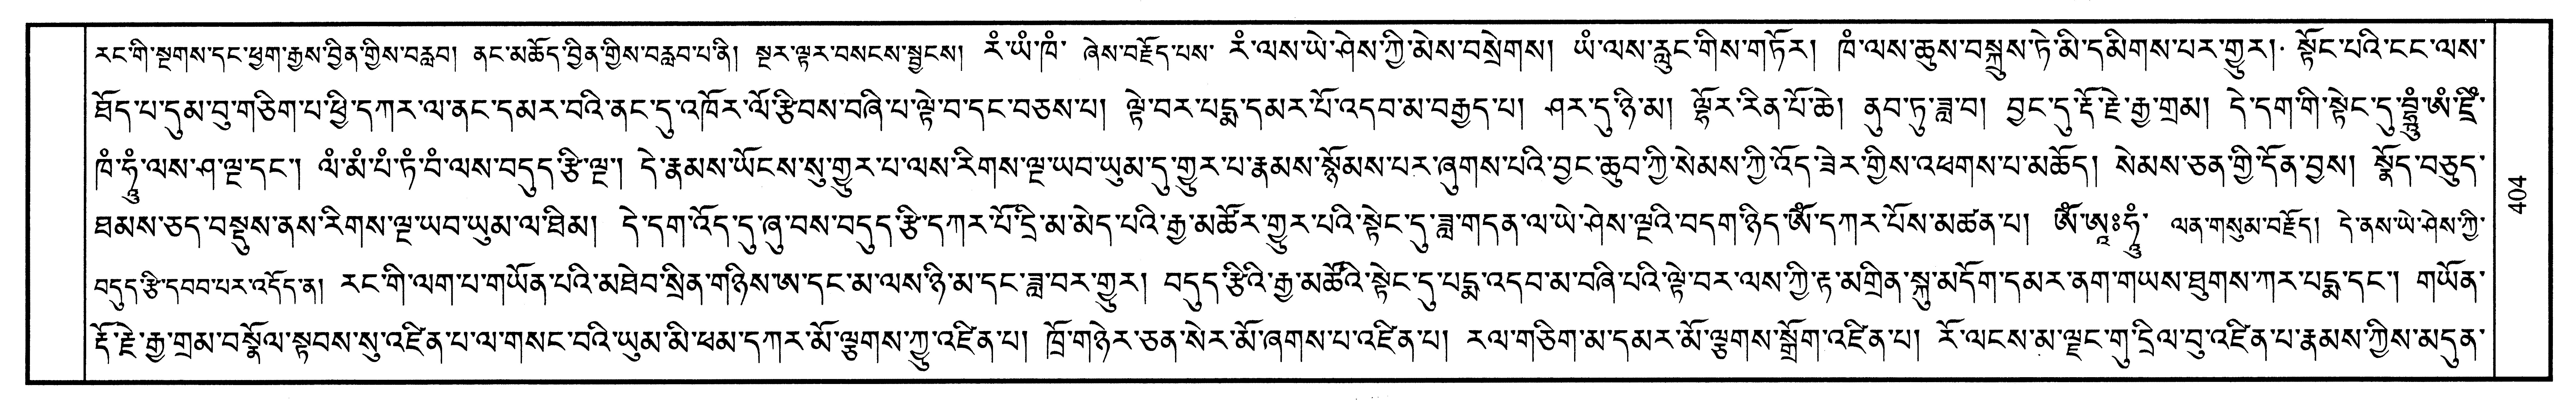རང་གི་སྔགས་དང་ཕྱག་རྒྱས་བྱིན་གྱིས་བརླབ། ནང་མཆོད་བྱིན་གྱིས་བརླབ་པ་ནི། སྔར་ལྟར་བསངས་སྦྱངས། རཾ་ཡཾ་ཁཾ་ཞེས་བརྗོད་པས་རཾ་ལས་ཡེ་ཤེས་ཀྱི་མེས་བསྲེགས། ཡཾ་ལས་རླུང་གིས་གཏོར། ཁཾ་ལས་ཆུས་བསྐྲུས་ཏེ་མི་དམིགས་པར་གྱུར། སྟོང་པའི་ངང་ལས་
ཐོད་པ་དུམ་བུ་གཅིག་པ་ཕྱི་དཀར་ལ་ནང་དམར་བའི་ནང་དུ་འཁོར་ལོ་རྩིབས་བཞི་པ་ལྟེ་བ་དང་བཅས་པ། ལྟེ་བར་པདམ་དམར་པོ་འདབ་མ་བརྒྱད་པ། ཤར་དུ་ཉི་མ། ལྷོར་རིན་པོ་ཆེ། ནུབ་ཏུ་ཟླ་བ། བྱང་དུ་རྡོ་རྗེ་རྒྱ་གྲམ། དེ་དག་གི་སྟེང་དུ་བྷྲཱུཾ་ཨཾ་ཛྲིཾ་
ཁཾ་ཧཱུཾ་ལས་ཤ་ལྔ་དང་། ལཾ་མཾ་པཾ་ཏཾ་བཾ་ལས་བདུད་རྩི་ལྔ། དེ་རྣམས་ཡོངས་སུ་གྱུར་པ་ལས་རིགས་ལྔ་ཡབ་ཡུམ་དུ་གྱུར་པ་རྣམས་སྙོམས་པར་ཞུགས་པའི་བྱང་ཆུབ་ཀྱི་སེམས་ཀྱི་འོད་ཟེར་གྱིས་འཕགས་པ་མཆོད། སེམས་ཅན་གྱི་དོན་བྱས། སྣོད་བཅུད་
ཐམས་ཅད་བསྡུས་ནས་རིགས་ལྔ་ཡབ་ཡུམ་ལ་ཐིམ། དེ་དག་འོད་དུ་ཞུ་བས་བདུད་རྩི་དཀར་པོ་དྲི་མ་མེད་པའི་རྒྱ་མཚོར་གྱུར་པའི་སྟེང་དུ་ཟླ་གདན་ལ་ཡེ་ཤེས་ལྔའི་བདག་ཉིད་ཨོཾ་དཀར་པོས་མཚན་པ། ཨོཾ་ཨཱཿ ཧཱུཾ་ལན་གསུམ་བརྗོད། དེ་ནས་ཡེ་ཤེས་ཀྱི་
བདུད་རྩི་དབབ་པར་འདོད་ན། རང་གི་ལག་པ་གཡོན་པའི་མཐེབ་སྲིན་གཉིས་ཨ་དང་མ་ལས་ཉི་མ་དང་ཟླ་བར་གྱུར། བདུད་རྩིའི་རྒྱ་མཚོའི་སྟེང་དུ་པདམ་འདབ་མ་བཞི་པའི་ལྟེ་བར་ལས་ཀྱི་རྩ་མགྲིན་སྐུ་མདོག་དམར་ནག་གཡས་ཐུགས་ཀར་པདམ་དང་། གཡོན་
རྡོ་རྗེ་རྒྱ་གྲམ་བསྣོལ་སྟབས་སུ་འཛིན་པ་ལ་གསང་བའི་ཡུམ་མི་ཕམ་དཀར་མོ་ལྕགས་ཀྱུ་འཛིན་པ། ཁྲོ་གཉེར་ཅན་སེར་མོ་ཞགས་པ་འཛིན་པ། རལ་གཅིག་མ་དམར་མོ་ལྕགས་སྒྲོག་འཛིན་པ། རོ་ལངས་མ་ལྗང་གུ་དྲིལ་བུ་འཛིན་པ་རྣམས་ཀྱིས་མདུན་